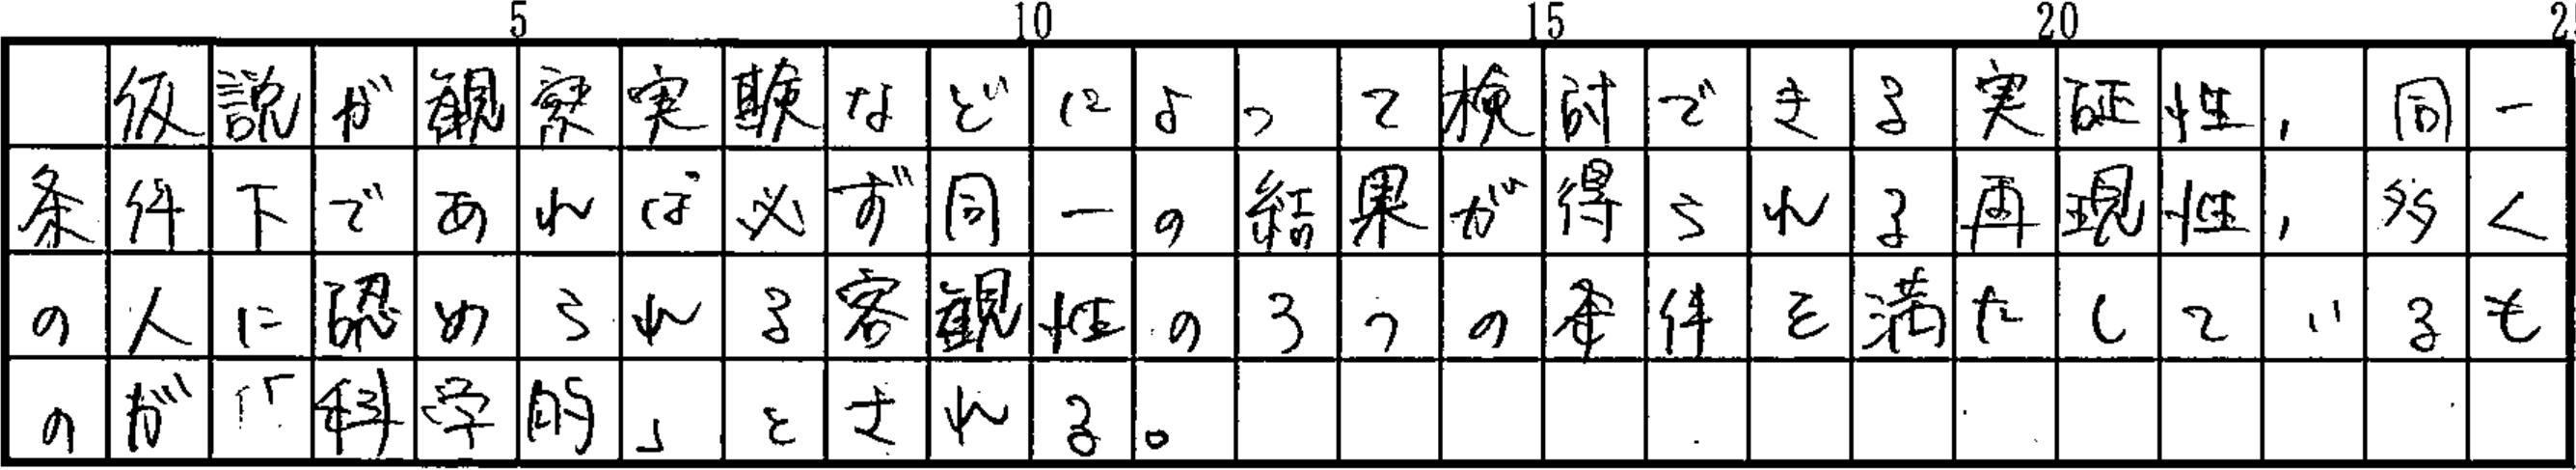　仮説が観察実験などによって検討できる実証性、同一条件下であれば必ず同一の結果が得られる再現性、多くの人に認められる客観性の３つの条件を満たしているものが「科学的」とされる。
